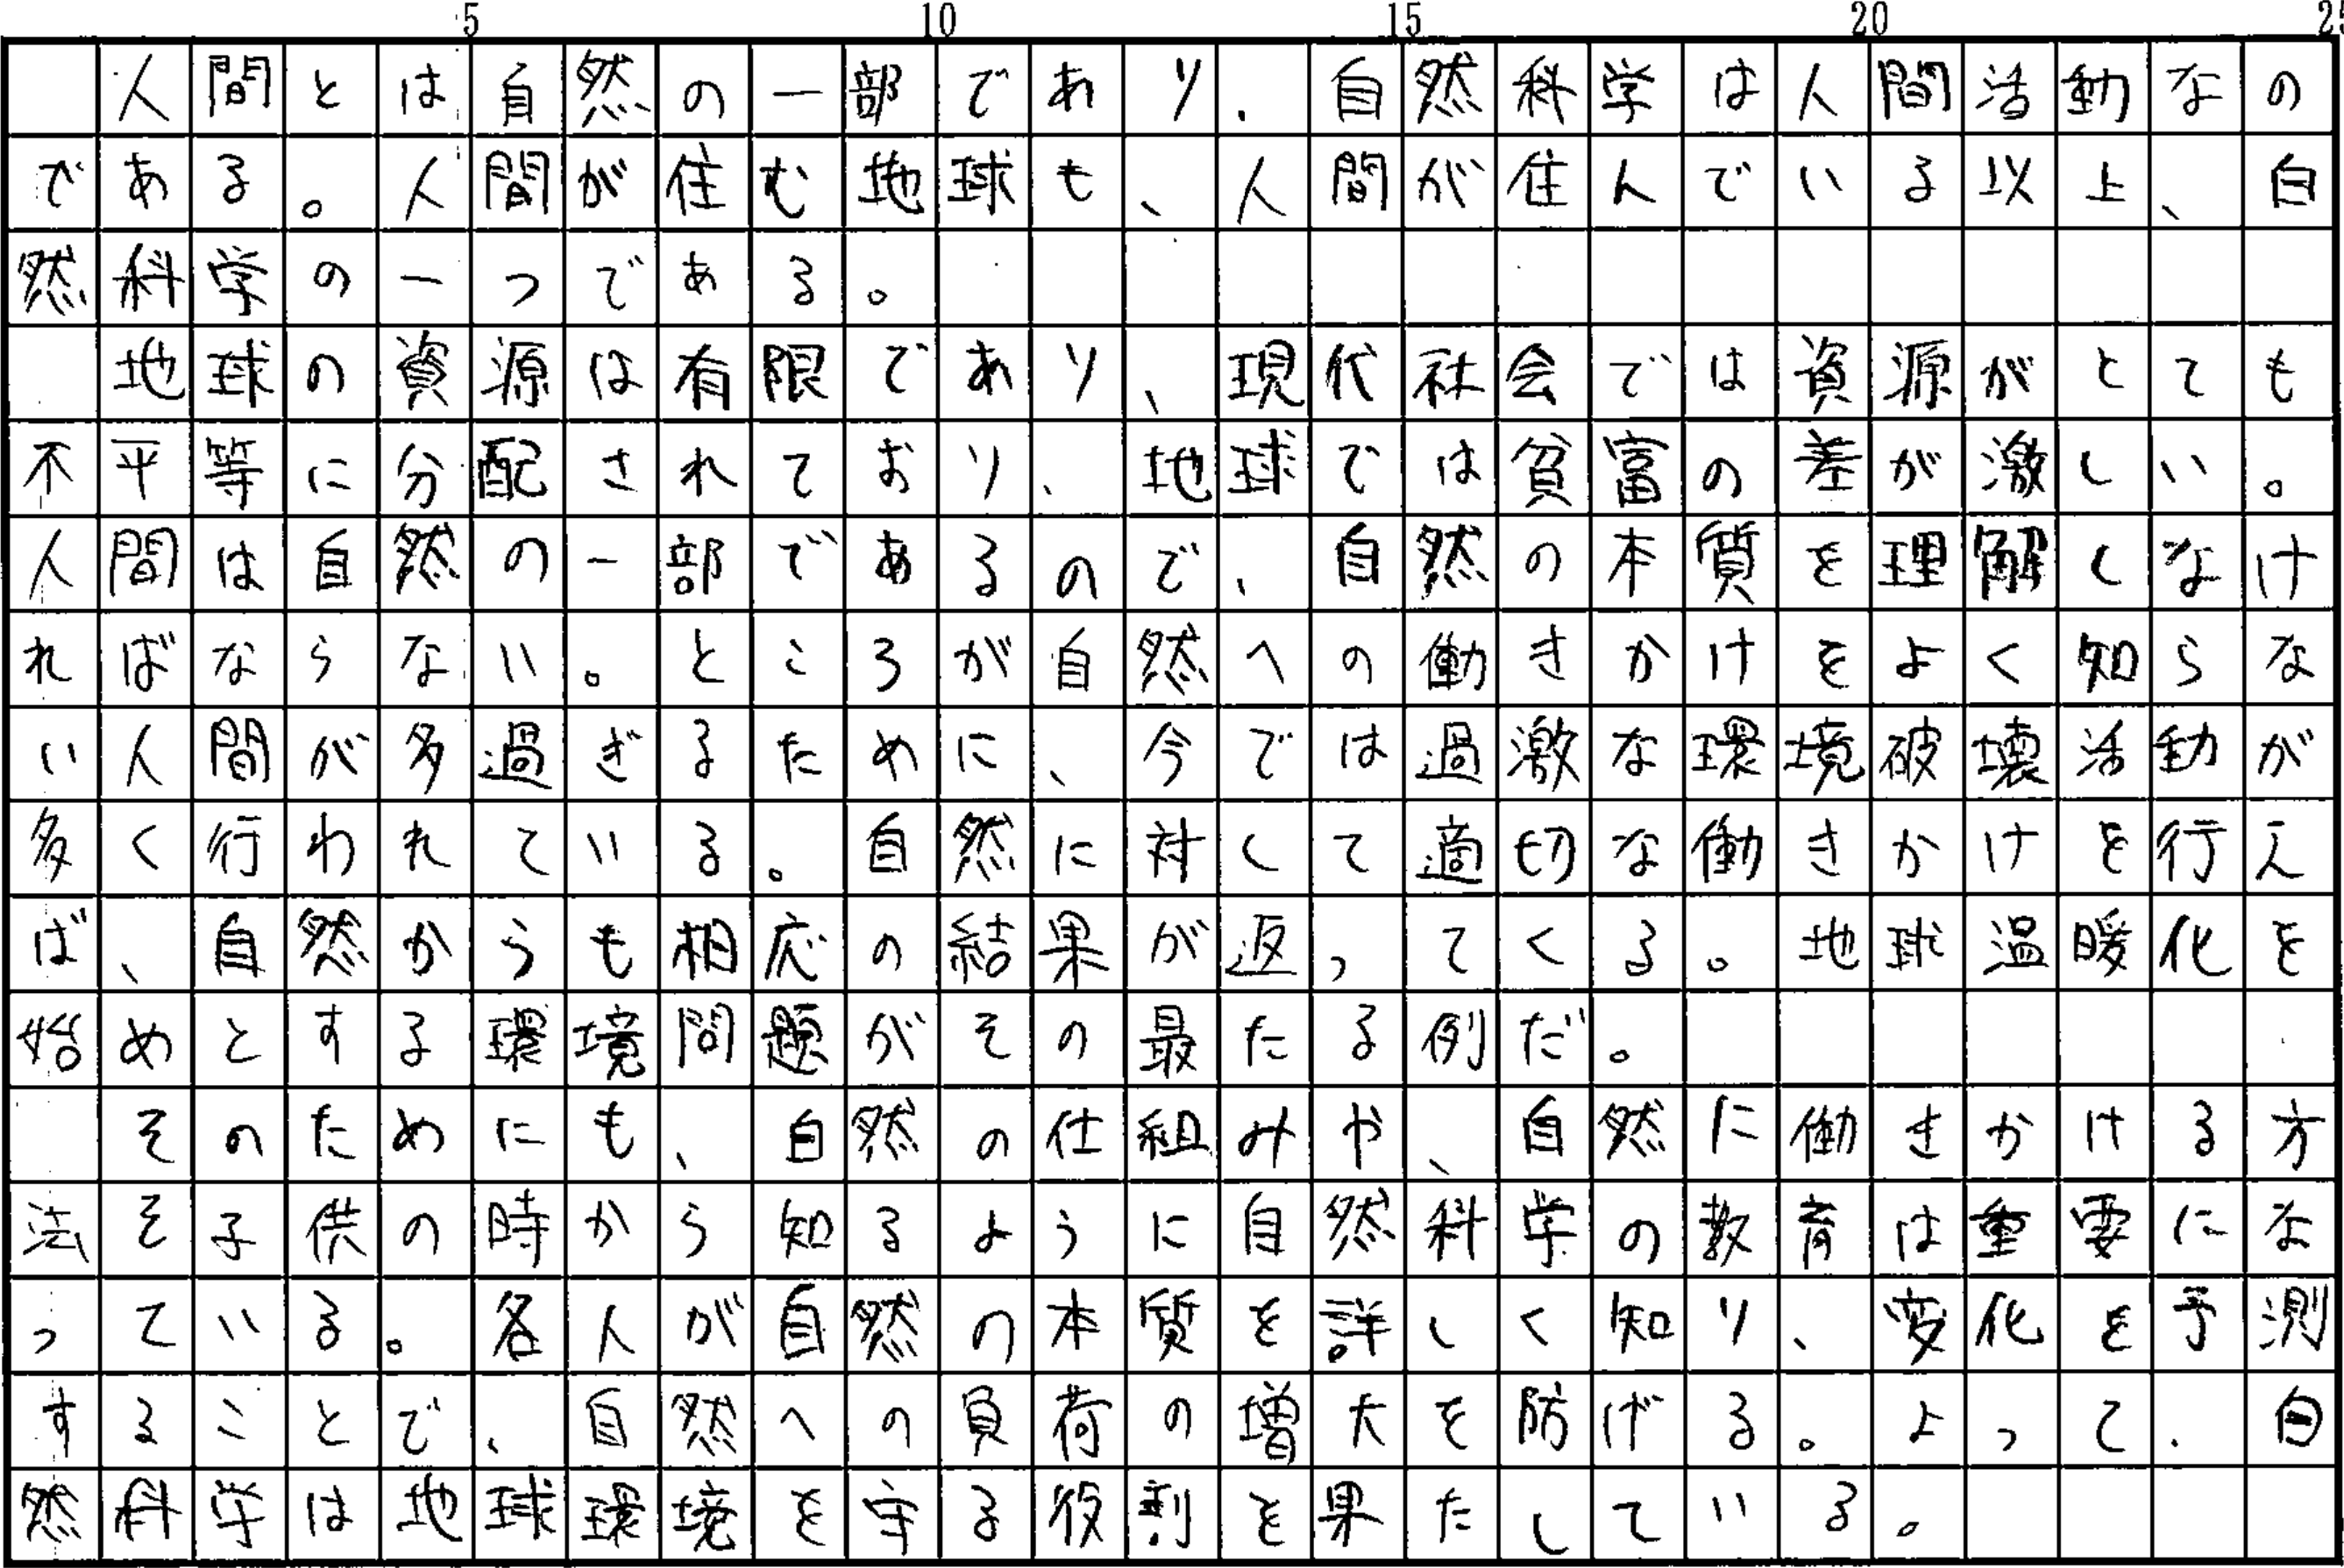　人間とは自然の一部であり、自然科学は人間活動なのである。人間が住む地球も、人間が住んでいる以上、自然科学の一つである。
　地球の資源は有限であり、現代社会では資源がとても不平等に分配されており、地球では貧富の差が激しい。人間は自然の一部であるので、自然の本質を理解しなければならない。ところが自然への働きかけをよく知らない人間が多過ぎるために、今では過激な環境破壊活動が多く行われている。自然に対して適切な働きかけを行えば、自然からも相応の結果が返ってくる。地球温暖化を始めとする環境問題がその最たる例だ。
　そのためにも、自然の仕組みや、自然に働きかける方法を子供の時から知るように自然科学の教育は重要になっている。各人が自然の本質を詳しく知り、変化を予測することで、自然への負荷の増大を防げる。よって、自然科学は地球環境を守る役割を果たしている。
